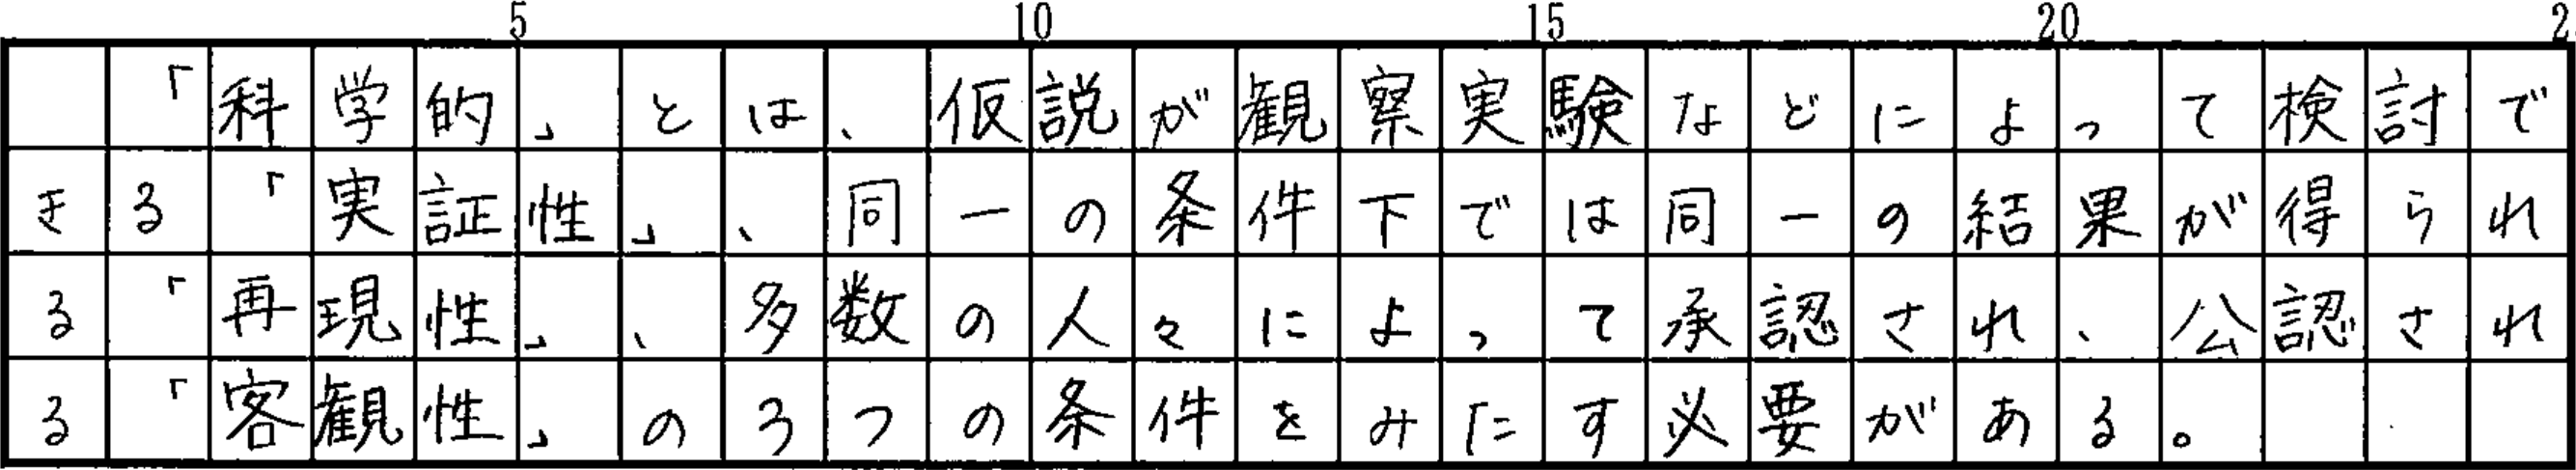　「科学的」とは、仮説が観察実験などによって検討できる「実証性」、同一の条件下では同一の結果が得られる「再現性」、多数の人々によって承認され、公認される「客観性」の３つの条件をみたす必要がある。
